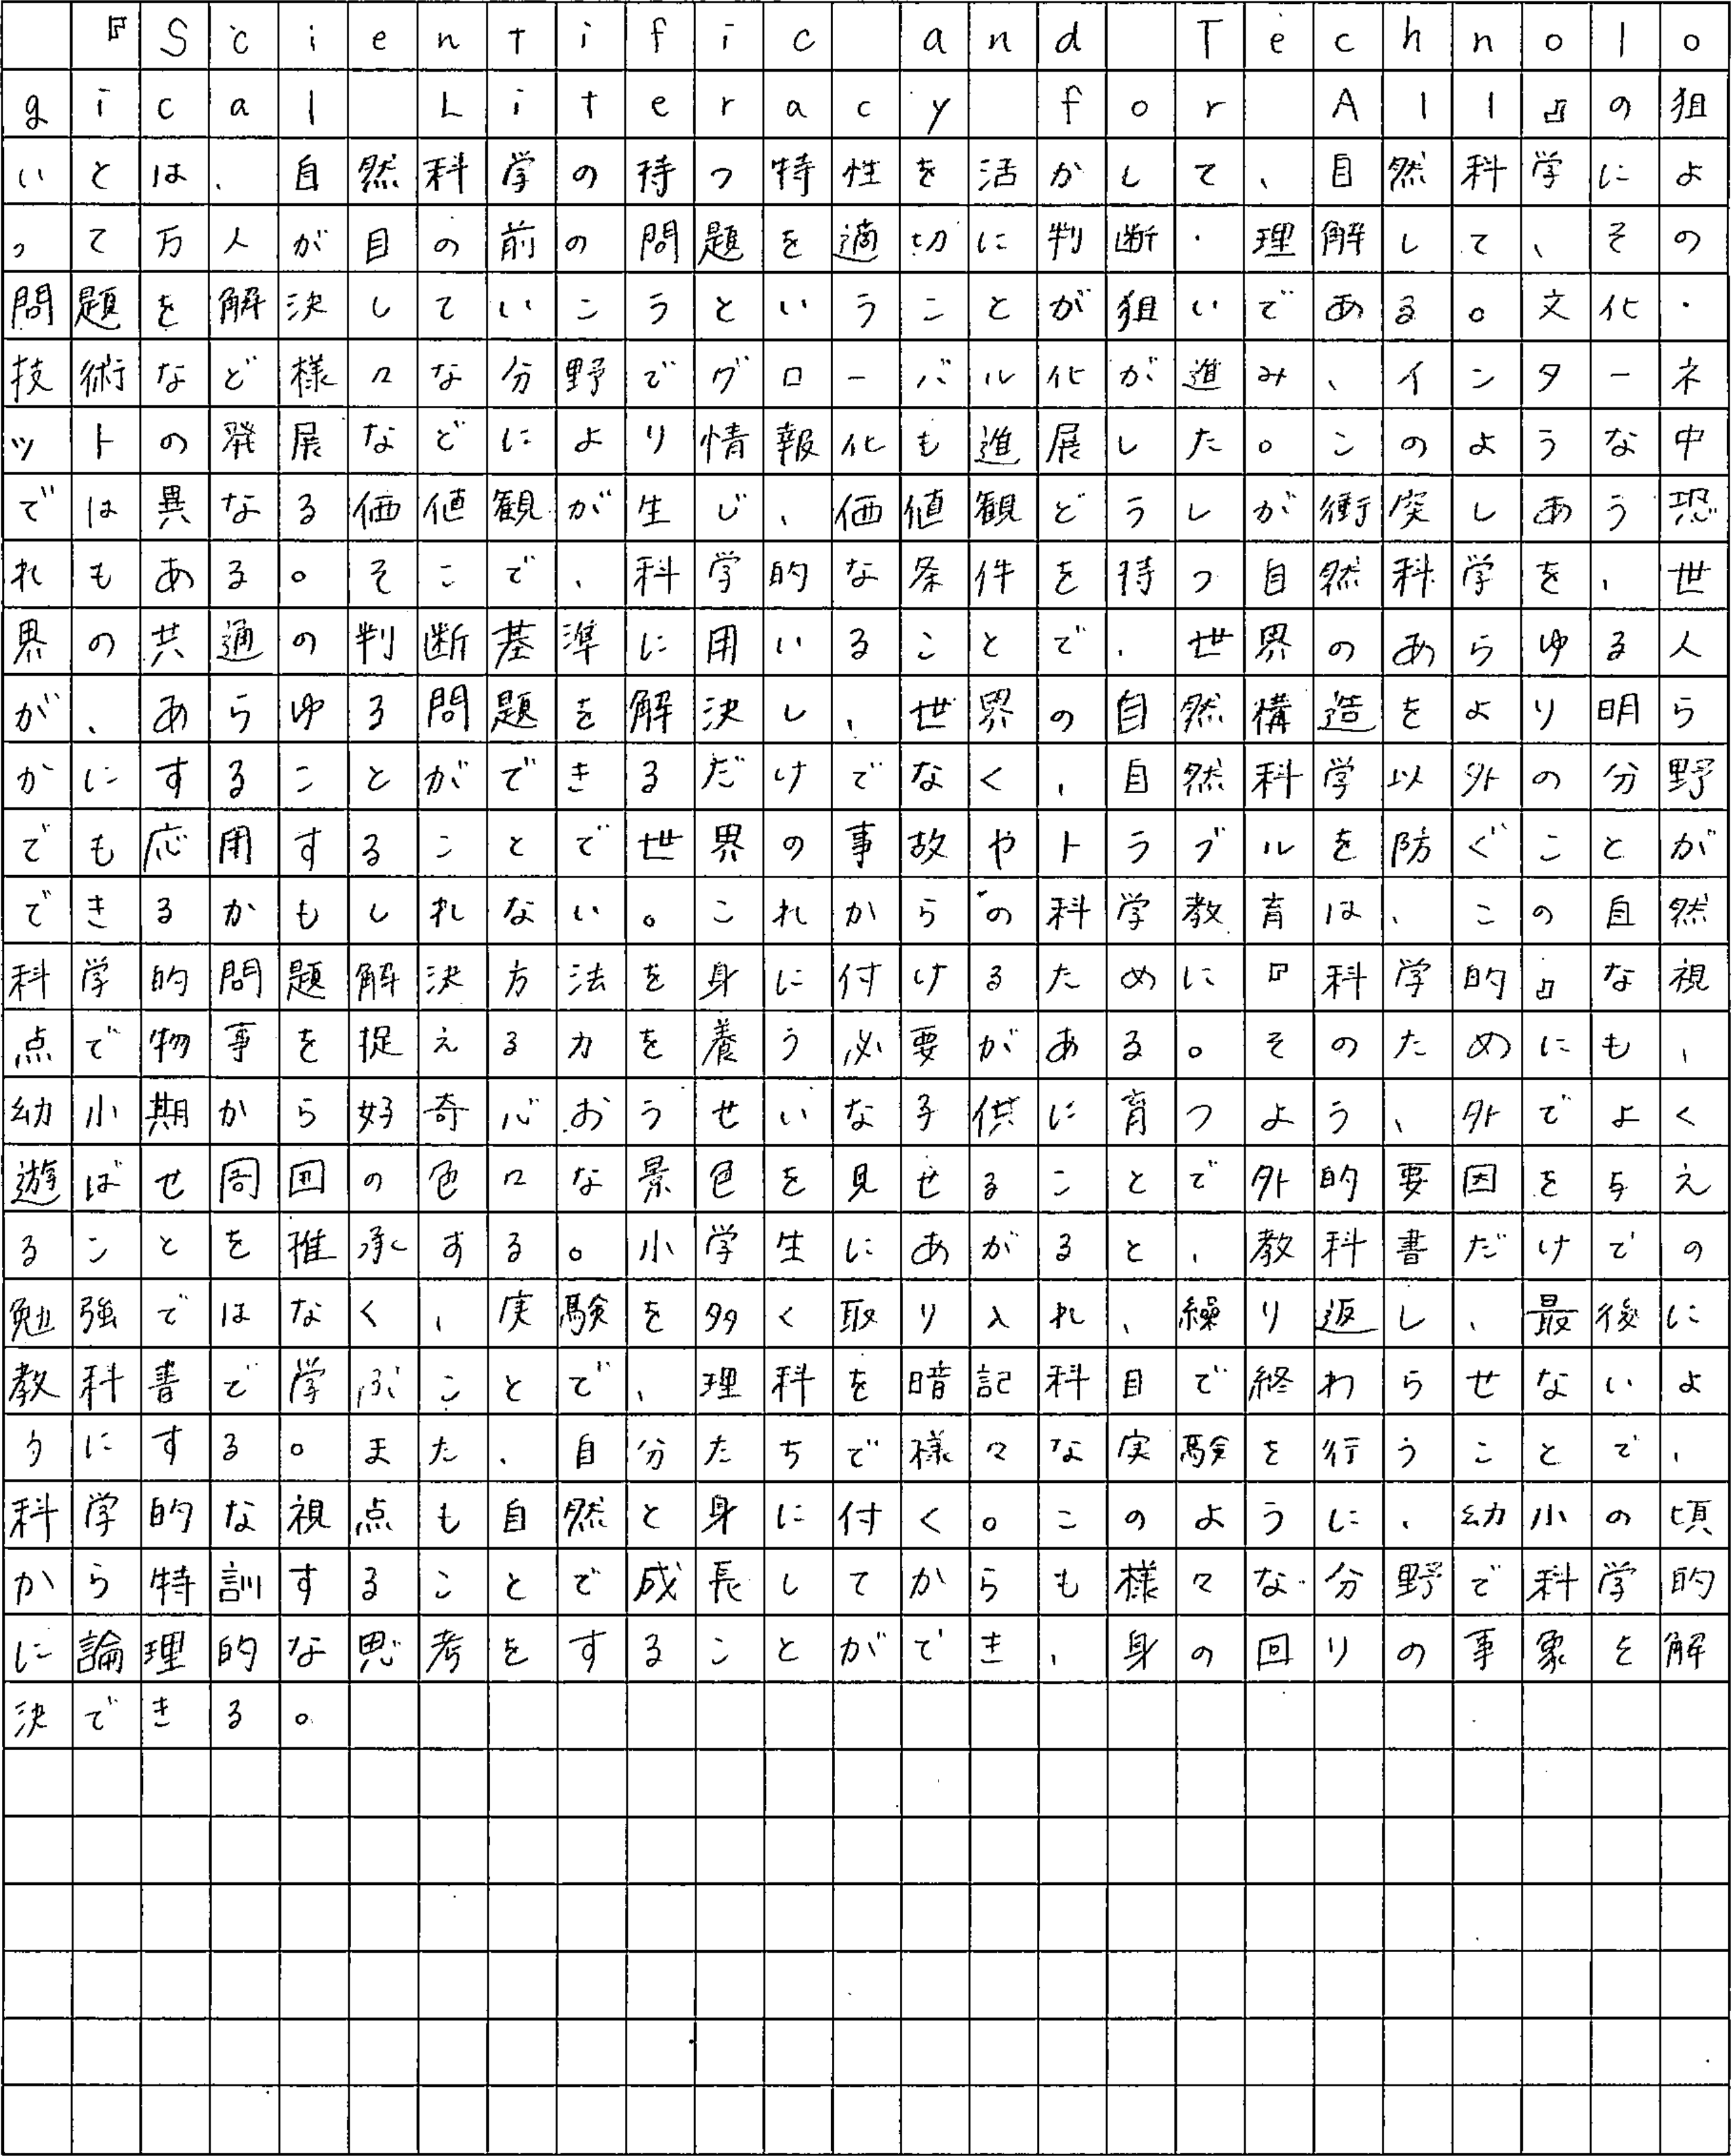　『Ｓｃｉｅｎｔｉｆｉｃ　ａｎｄ　Ｔｅｃｈｎｏｌｏｇｉｃａｌ　Ｌｉｔｅｒａｃｙ　ｆｏｒ　Ａｌｌ』の狙いとは、自然科学の持つ特性を活かして、自然科学によって万人が目の前の問題を適切に判断、理解して、その問題を解決していこうということが狙いである。文化・技術など様々な分野でグローバル化が進み、インターネットの発展などにより情報化も進展した。このような中では異なる価値観が生じ、価値観どうしが衝突しあう恐れもある。そこで、科学的な条件を持つ自然科学を、世界の共通の判断基準に用いることで、世界のあらゆる人が、あらゆる問題を解決し、世界の自然構造をより明らかにすることができるだけでなく、自然科学以外の分野でも応用することで世界の事故やトラブルを防ぐことができるかもしれない。これからの科学教育は、この自然科学的問題解決方法を身に付けるために『科学的』な視点で物事を捉える力を養う必要がある。そのためにも、幼小期から好奇心おうせいな子供に育つよう、外でよく遊ばせ周囲の色々な景色を見せることで外的要因を与えることを推承する。小学生にあがると、教科書だけでの勉強ではなく、実験を多く取り入れ、繰り返し、最後に教科書で学ぶことで、理科を暗記科目で終わらせないようにする。また、自分たちで様々な実験を行うことで、科学的な視点も自然と身に付く。このように、幼小の頃から特訓することで成長してからも様々な分野で科学的に論理的な思考をすることができ、身の回りの事象を解決できる。
